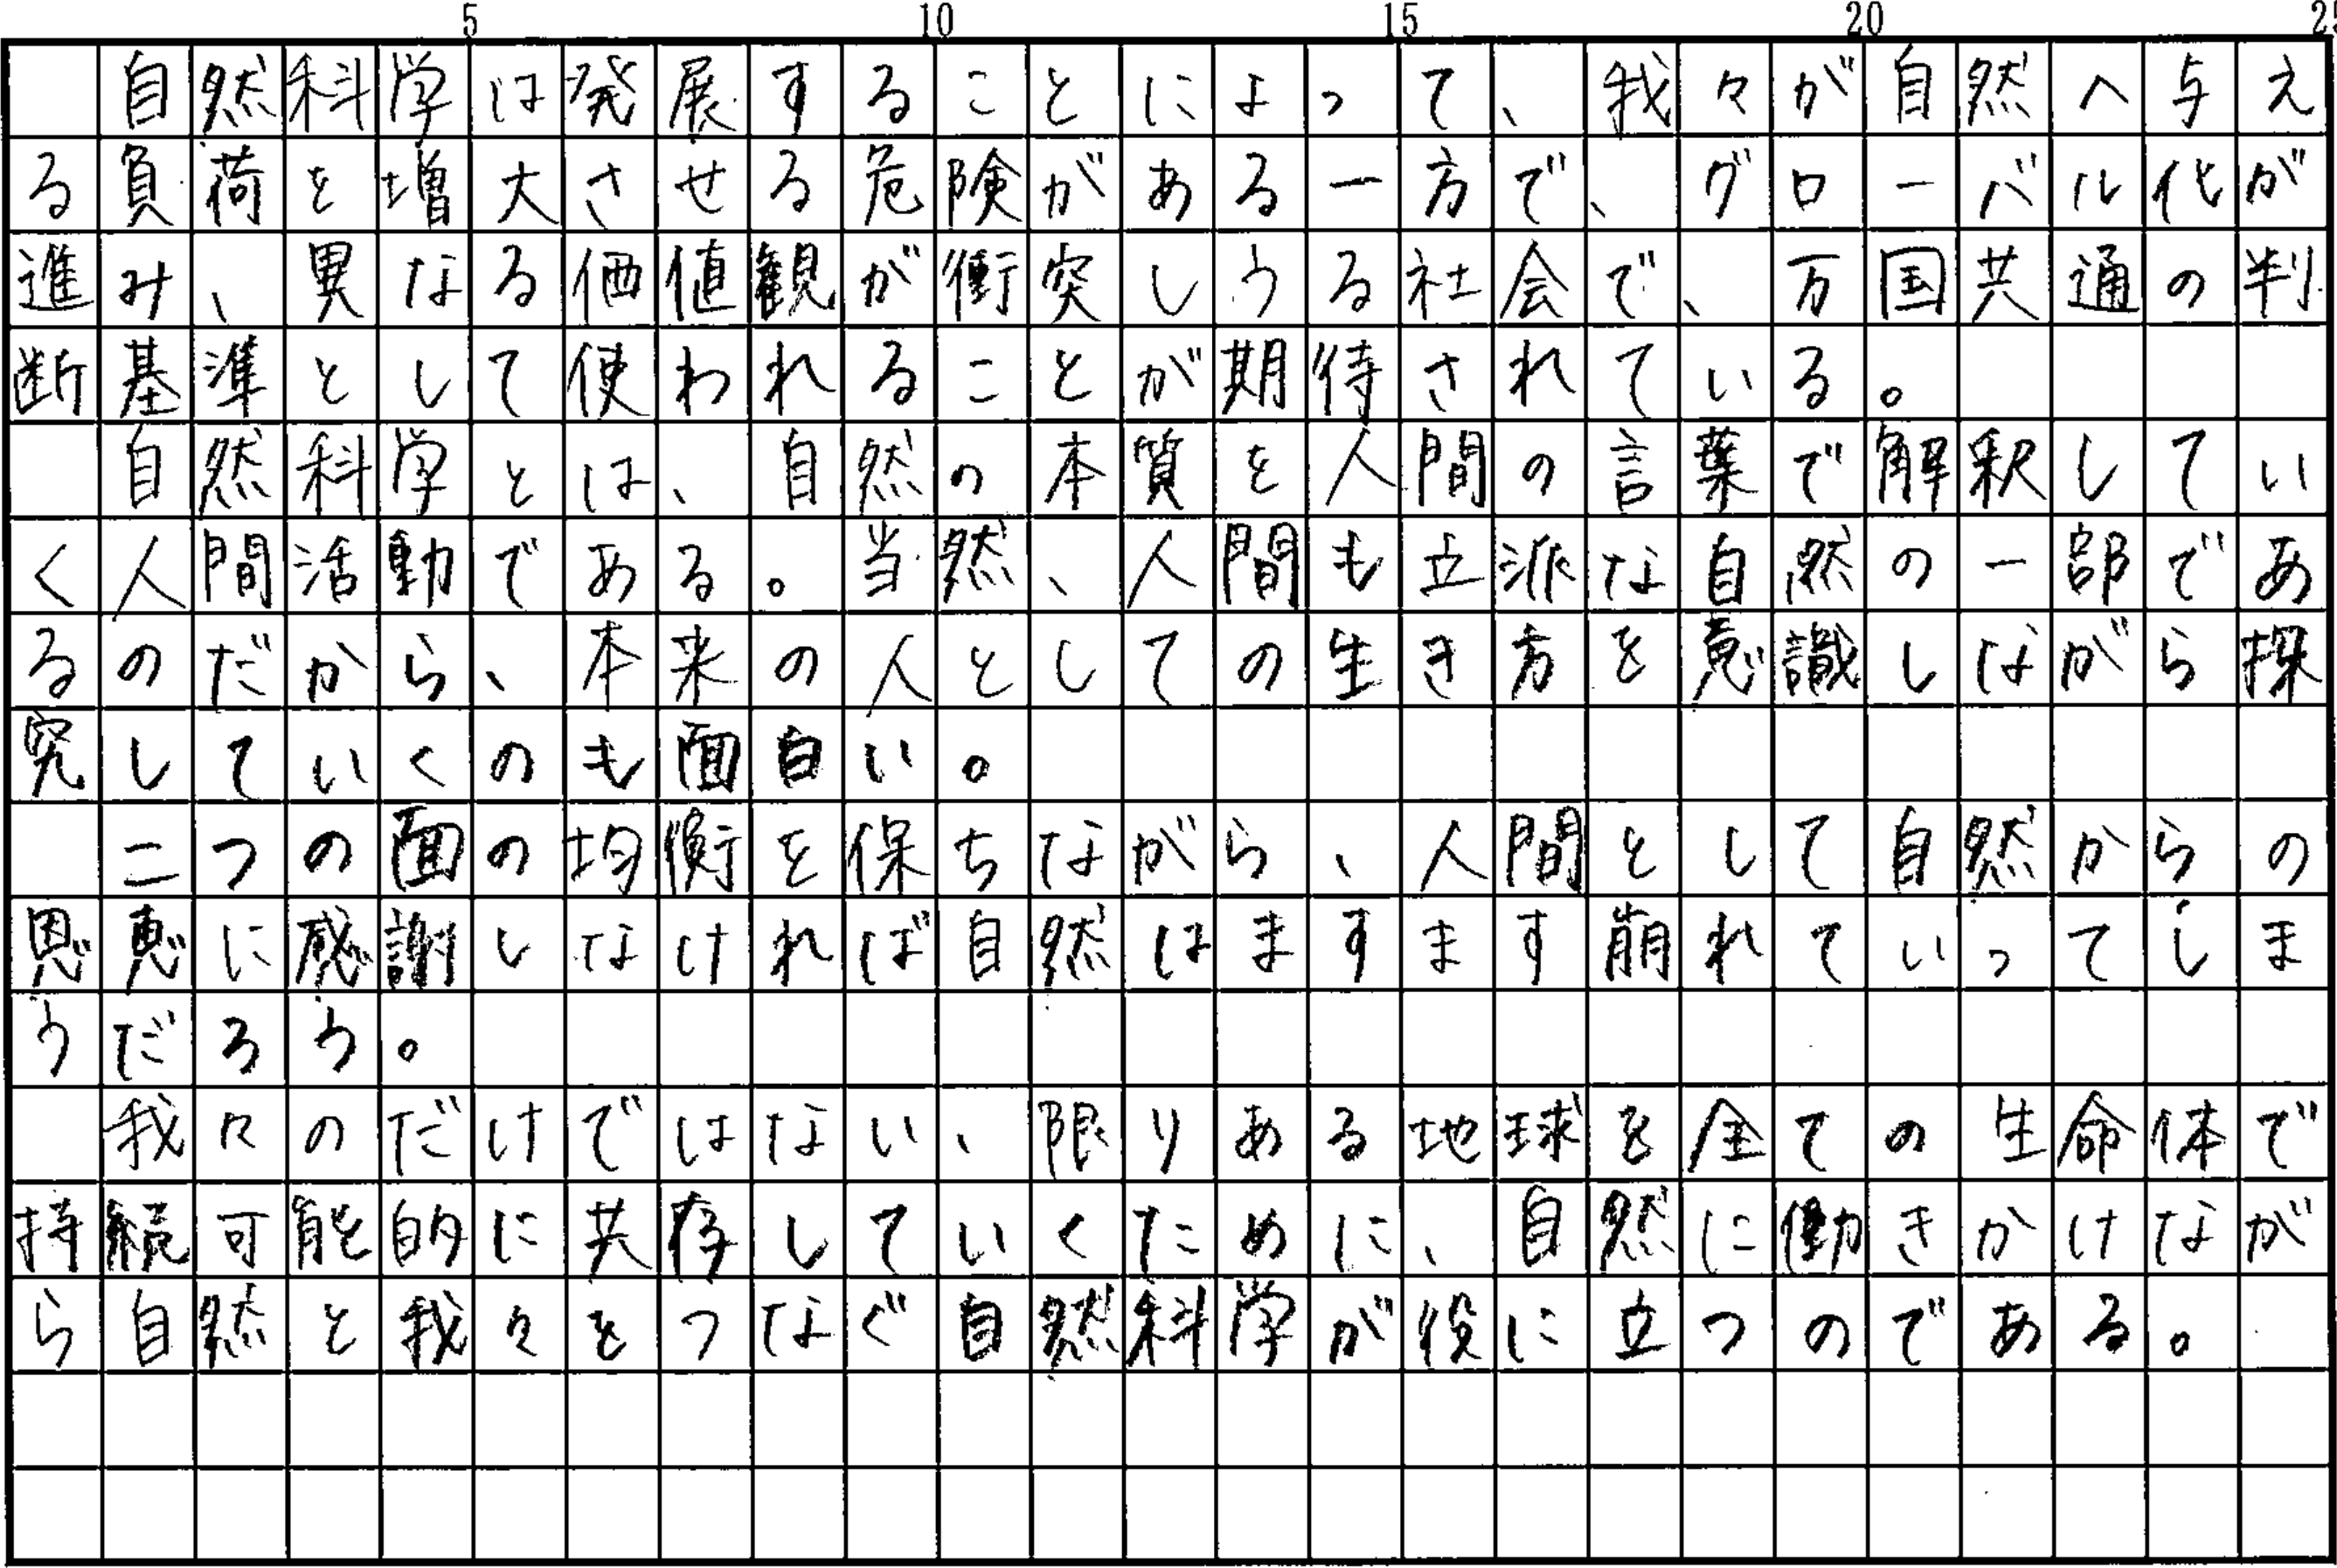　自然科学は発展することによって、我々が自然へ与える負荷を増大させる危険がある一方で、グローバル化が進み、異なる価値観が衝突しうる社会で、万国共通の判断基準として使われることが期待されている。
　自然科学とは、自然の本質を人間の言葉で解釈していく人間活動である。当然、人間も立派な自然の一部であるのだから、本来の人としての生き方を意識しながら探求していくのも面白い。
　二つの面の均衡を保ちながら、人間として自然からの恩恵に感謝しなければ自然はますます崩れていってしまうだろう。
　我々のだけではない、限りある地球を全ての生命体で持続可能的に共存していくために、自然に働きかけながら自然と我々をつなぐ自然科学が役に立つのである。
